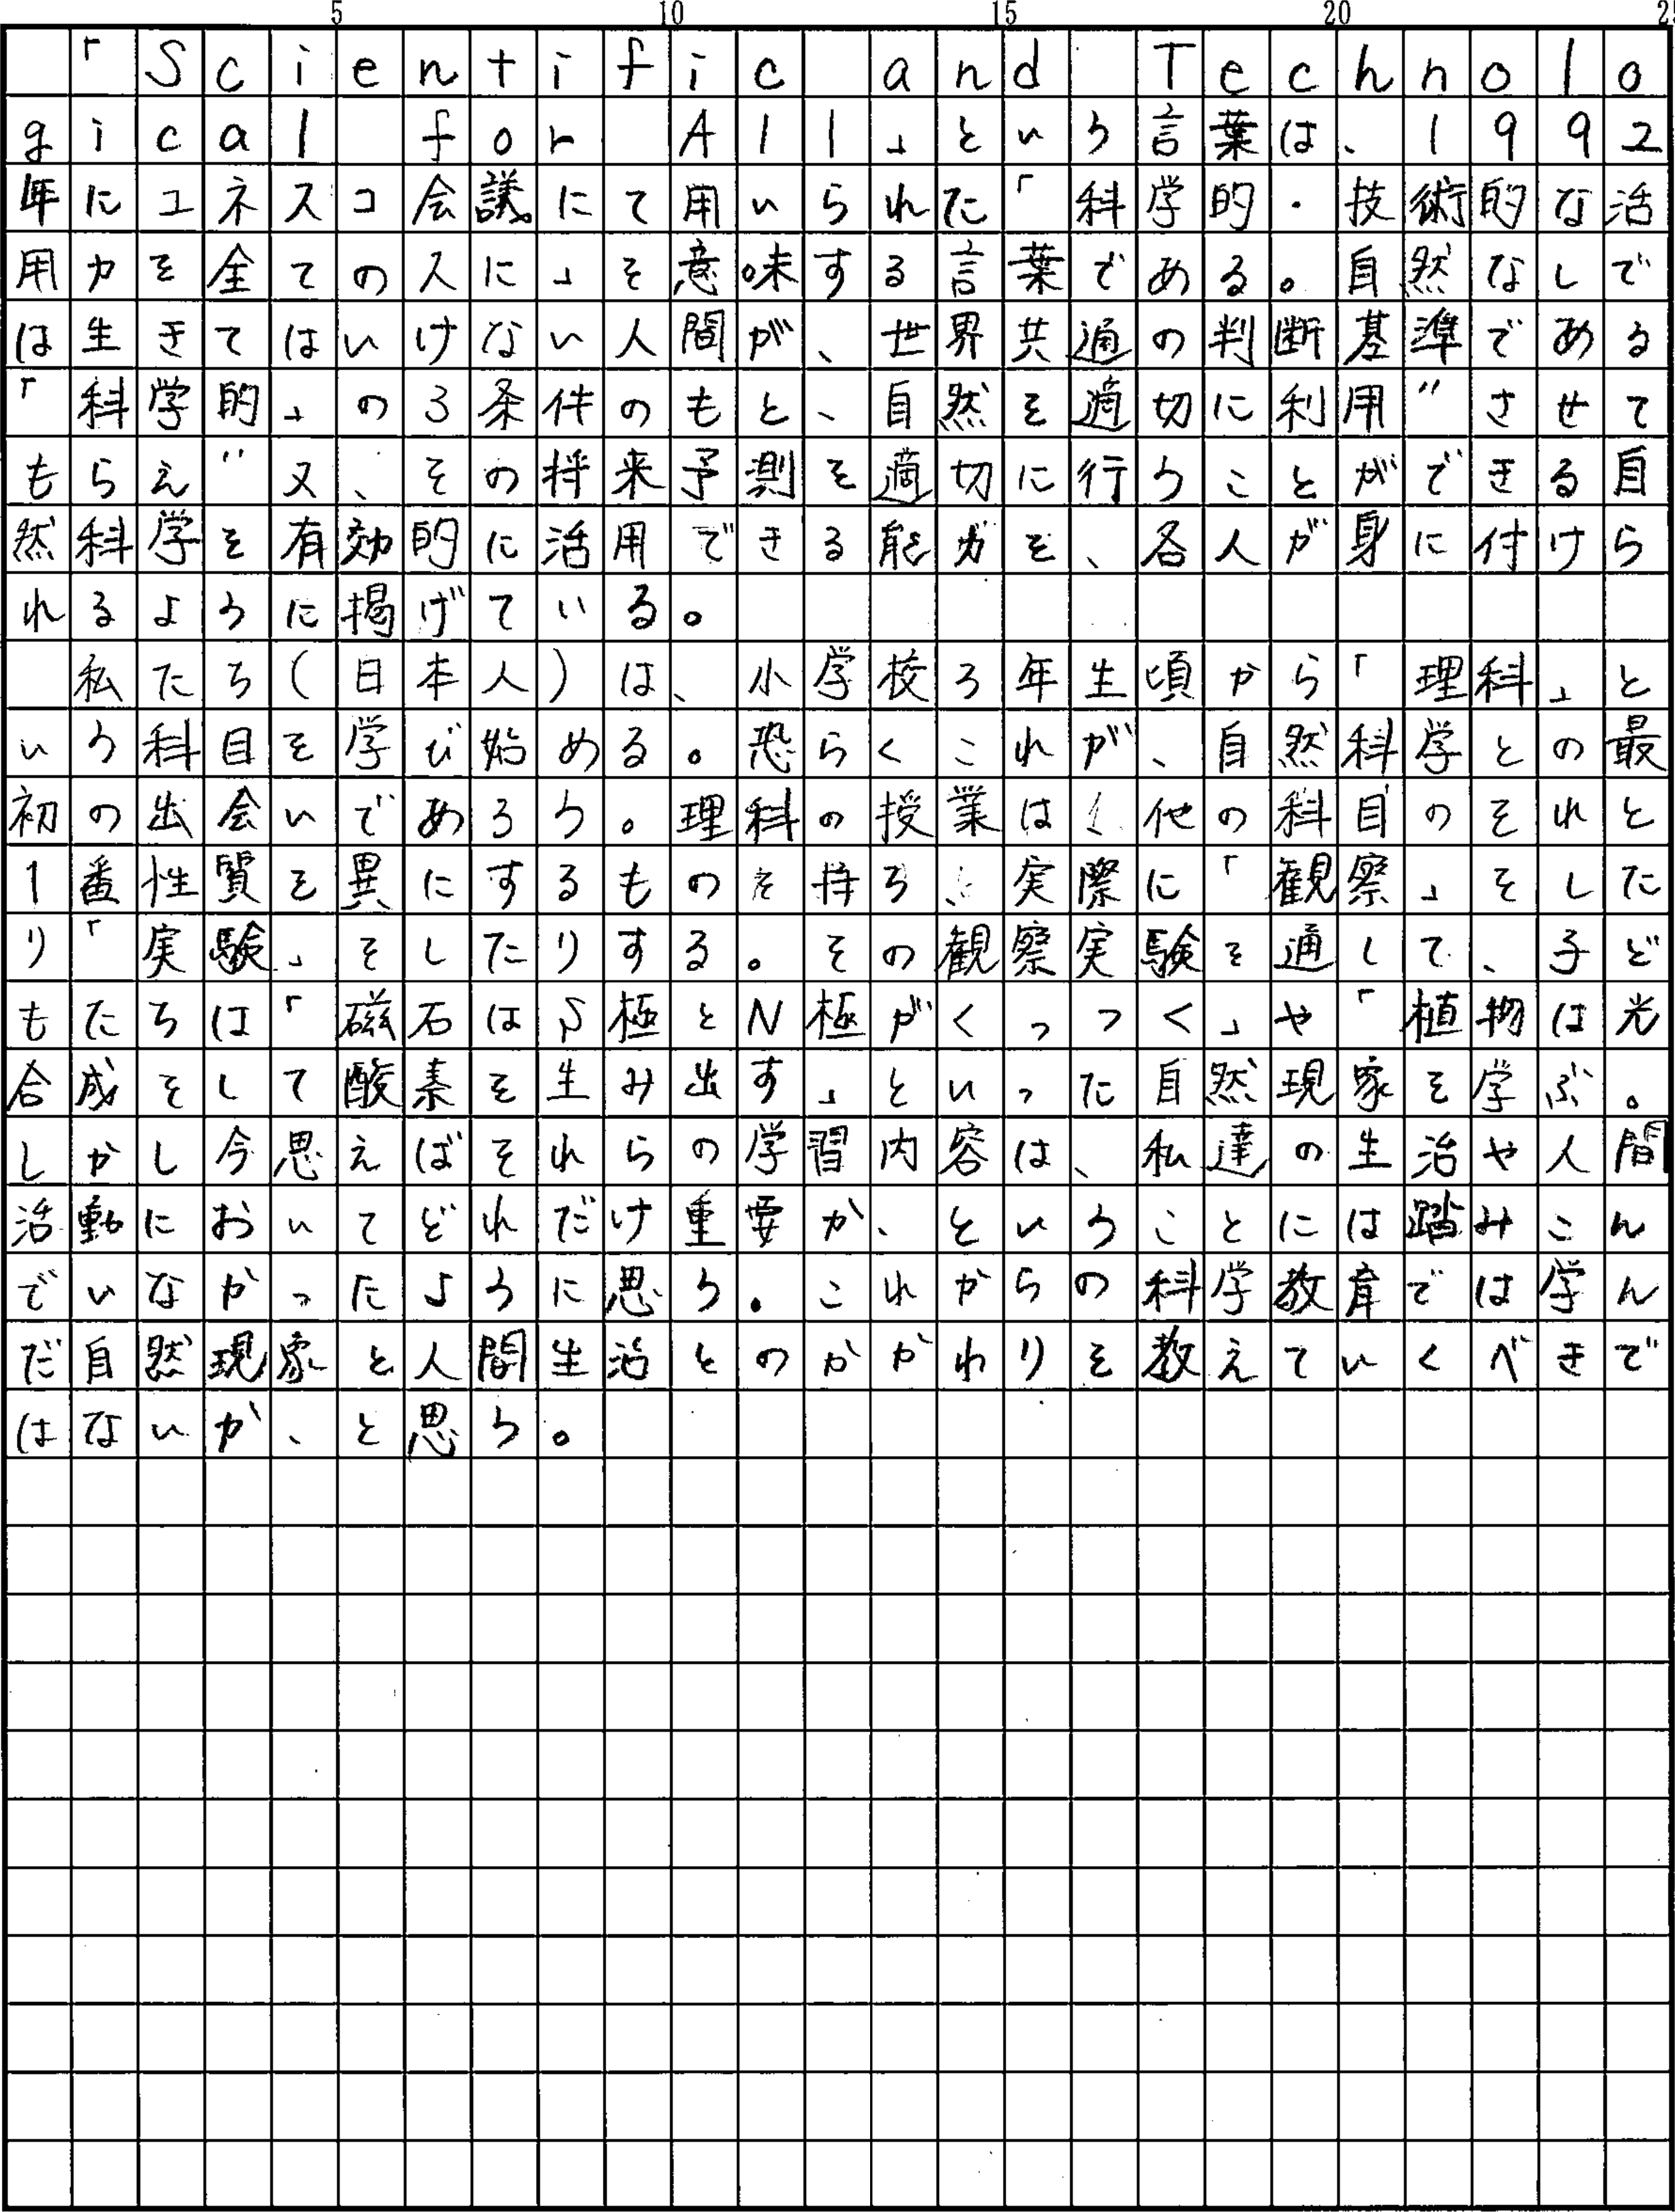　「Ｓｃｉｅｎｔｉｆｉｃ　ａｎｄ　Ｔｅｃｈｎｏｌｏｇｉｃａｌ　Ｌｉｔｅｒａｃｙ　ｆｏｒ　Ａｌｌ」という言葉は、１９９２年にユネスコ会議にて用いられた「科学的・技術的な活用力を全ての人に」を意味する言葉である。自然なしでは生きてはいけない人間が、世界共通の判断基準である「科学的」の３条件のもと、自然を適切に利用″させてもらえ″又、その将来予測を適切に行うことができる自然科学を有効的に活用できる能力を、各人が身に付けられるように掲げている。
　私たち（日本人）は、小学校３年生頃から「理科」という科目を学び始める。恐らくこれが、自然科学との最初の出会いであろう。理科の授業は、他の科目のそれと１番性質を異にするものを持ち、実際に「観察」をしたり「実験」をしたりする。その観察実験を通して、子どもたちは「磁石はＳ極とＮ極がくっつく」や「植物は光合成をして酸素を生み出す」といった自然現象を学ぶ。しかし今思えばそれらの学習内容は、私達の生活や人間活動においてどれだけ重要か、ということには踏みこんでいなかったように思う。これからの科学教育では学んだ自然現象と人間生活とのかかわりを教えていくべきではないか、と思う。
